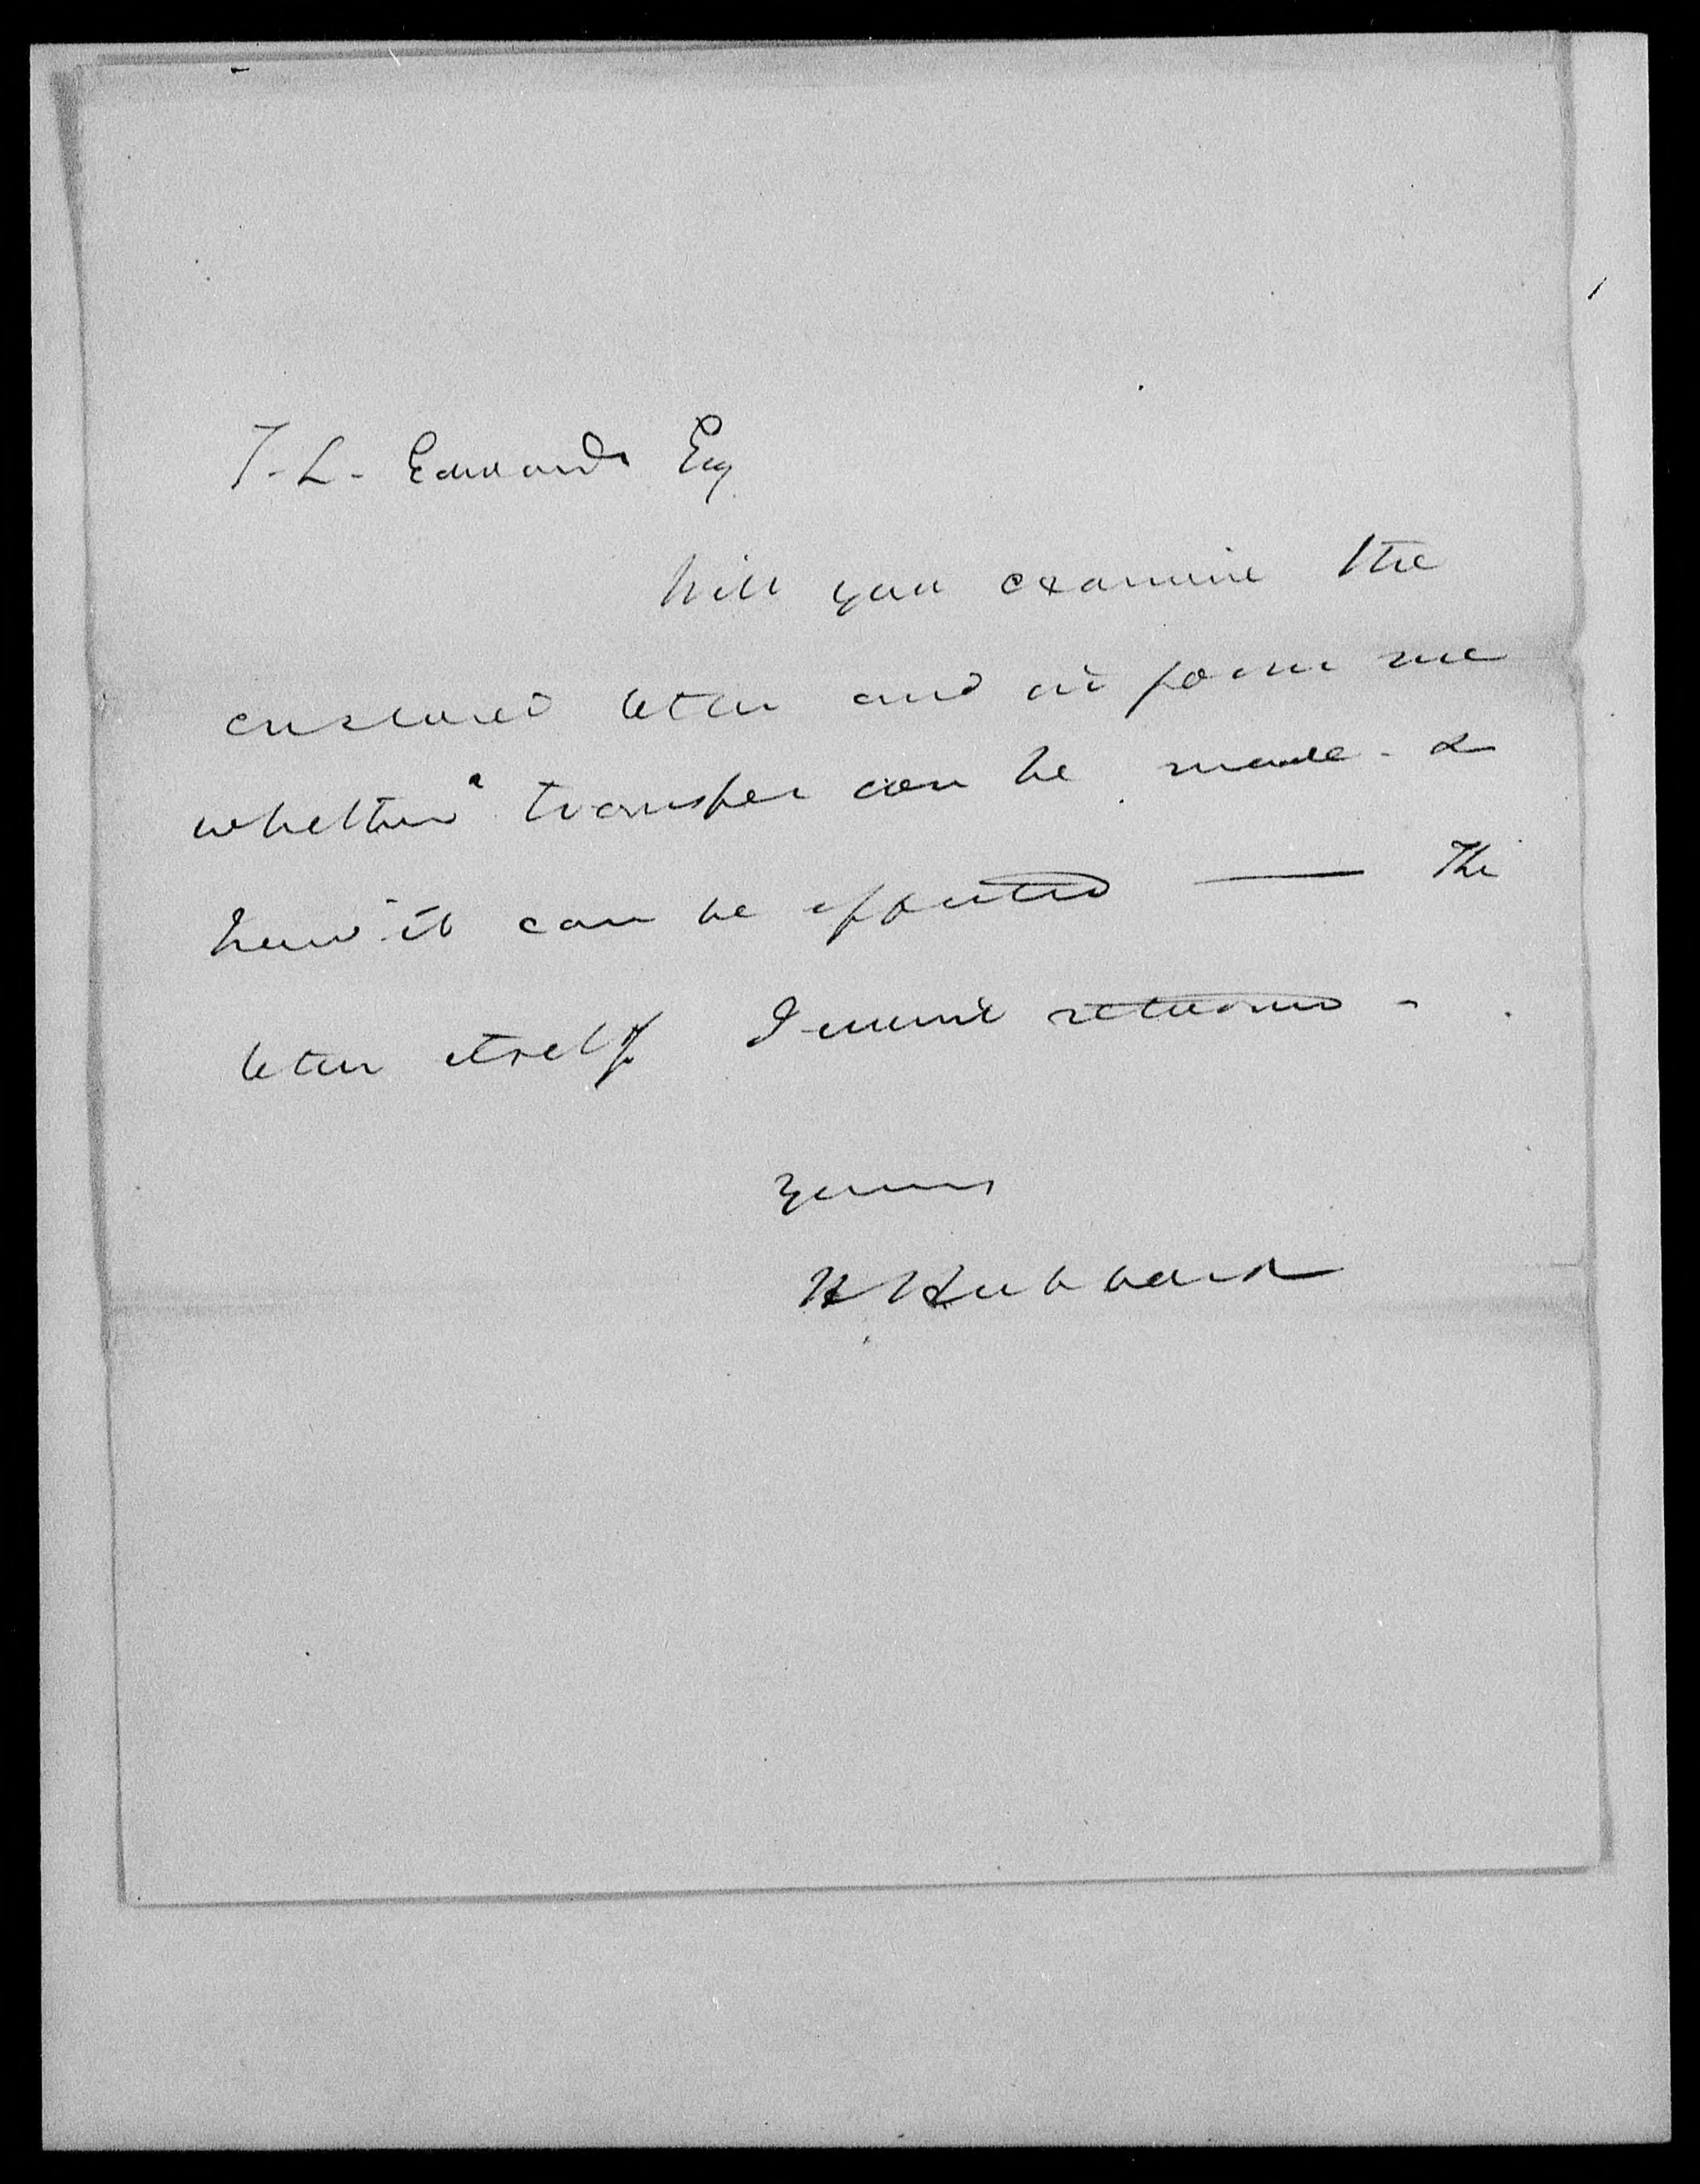J.L. Edwards Esq
Will you examine the enclosed letter and inform 
whether transfer can be made &
how it can be affected - The letter itself I want returned
Yours
H. Hubbard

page: 33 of 62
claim: widow's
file: W. 765, for Richard L Jones, Connecticut